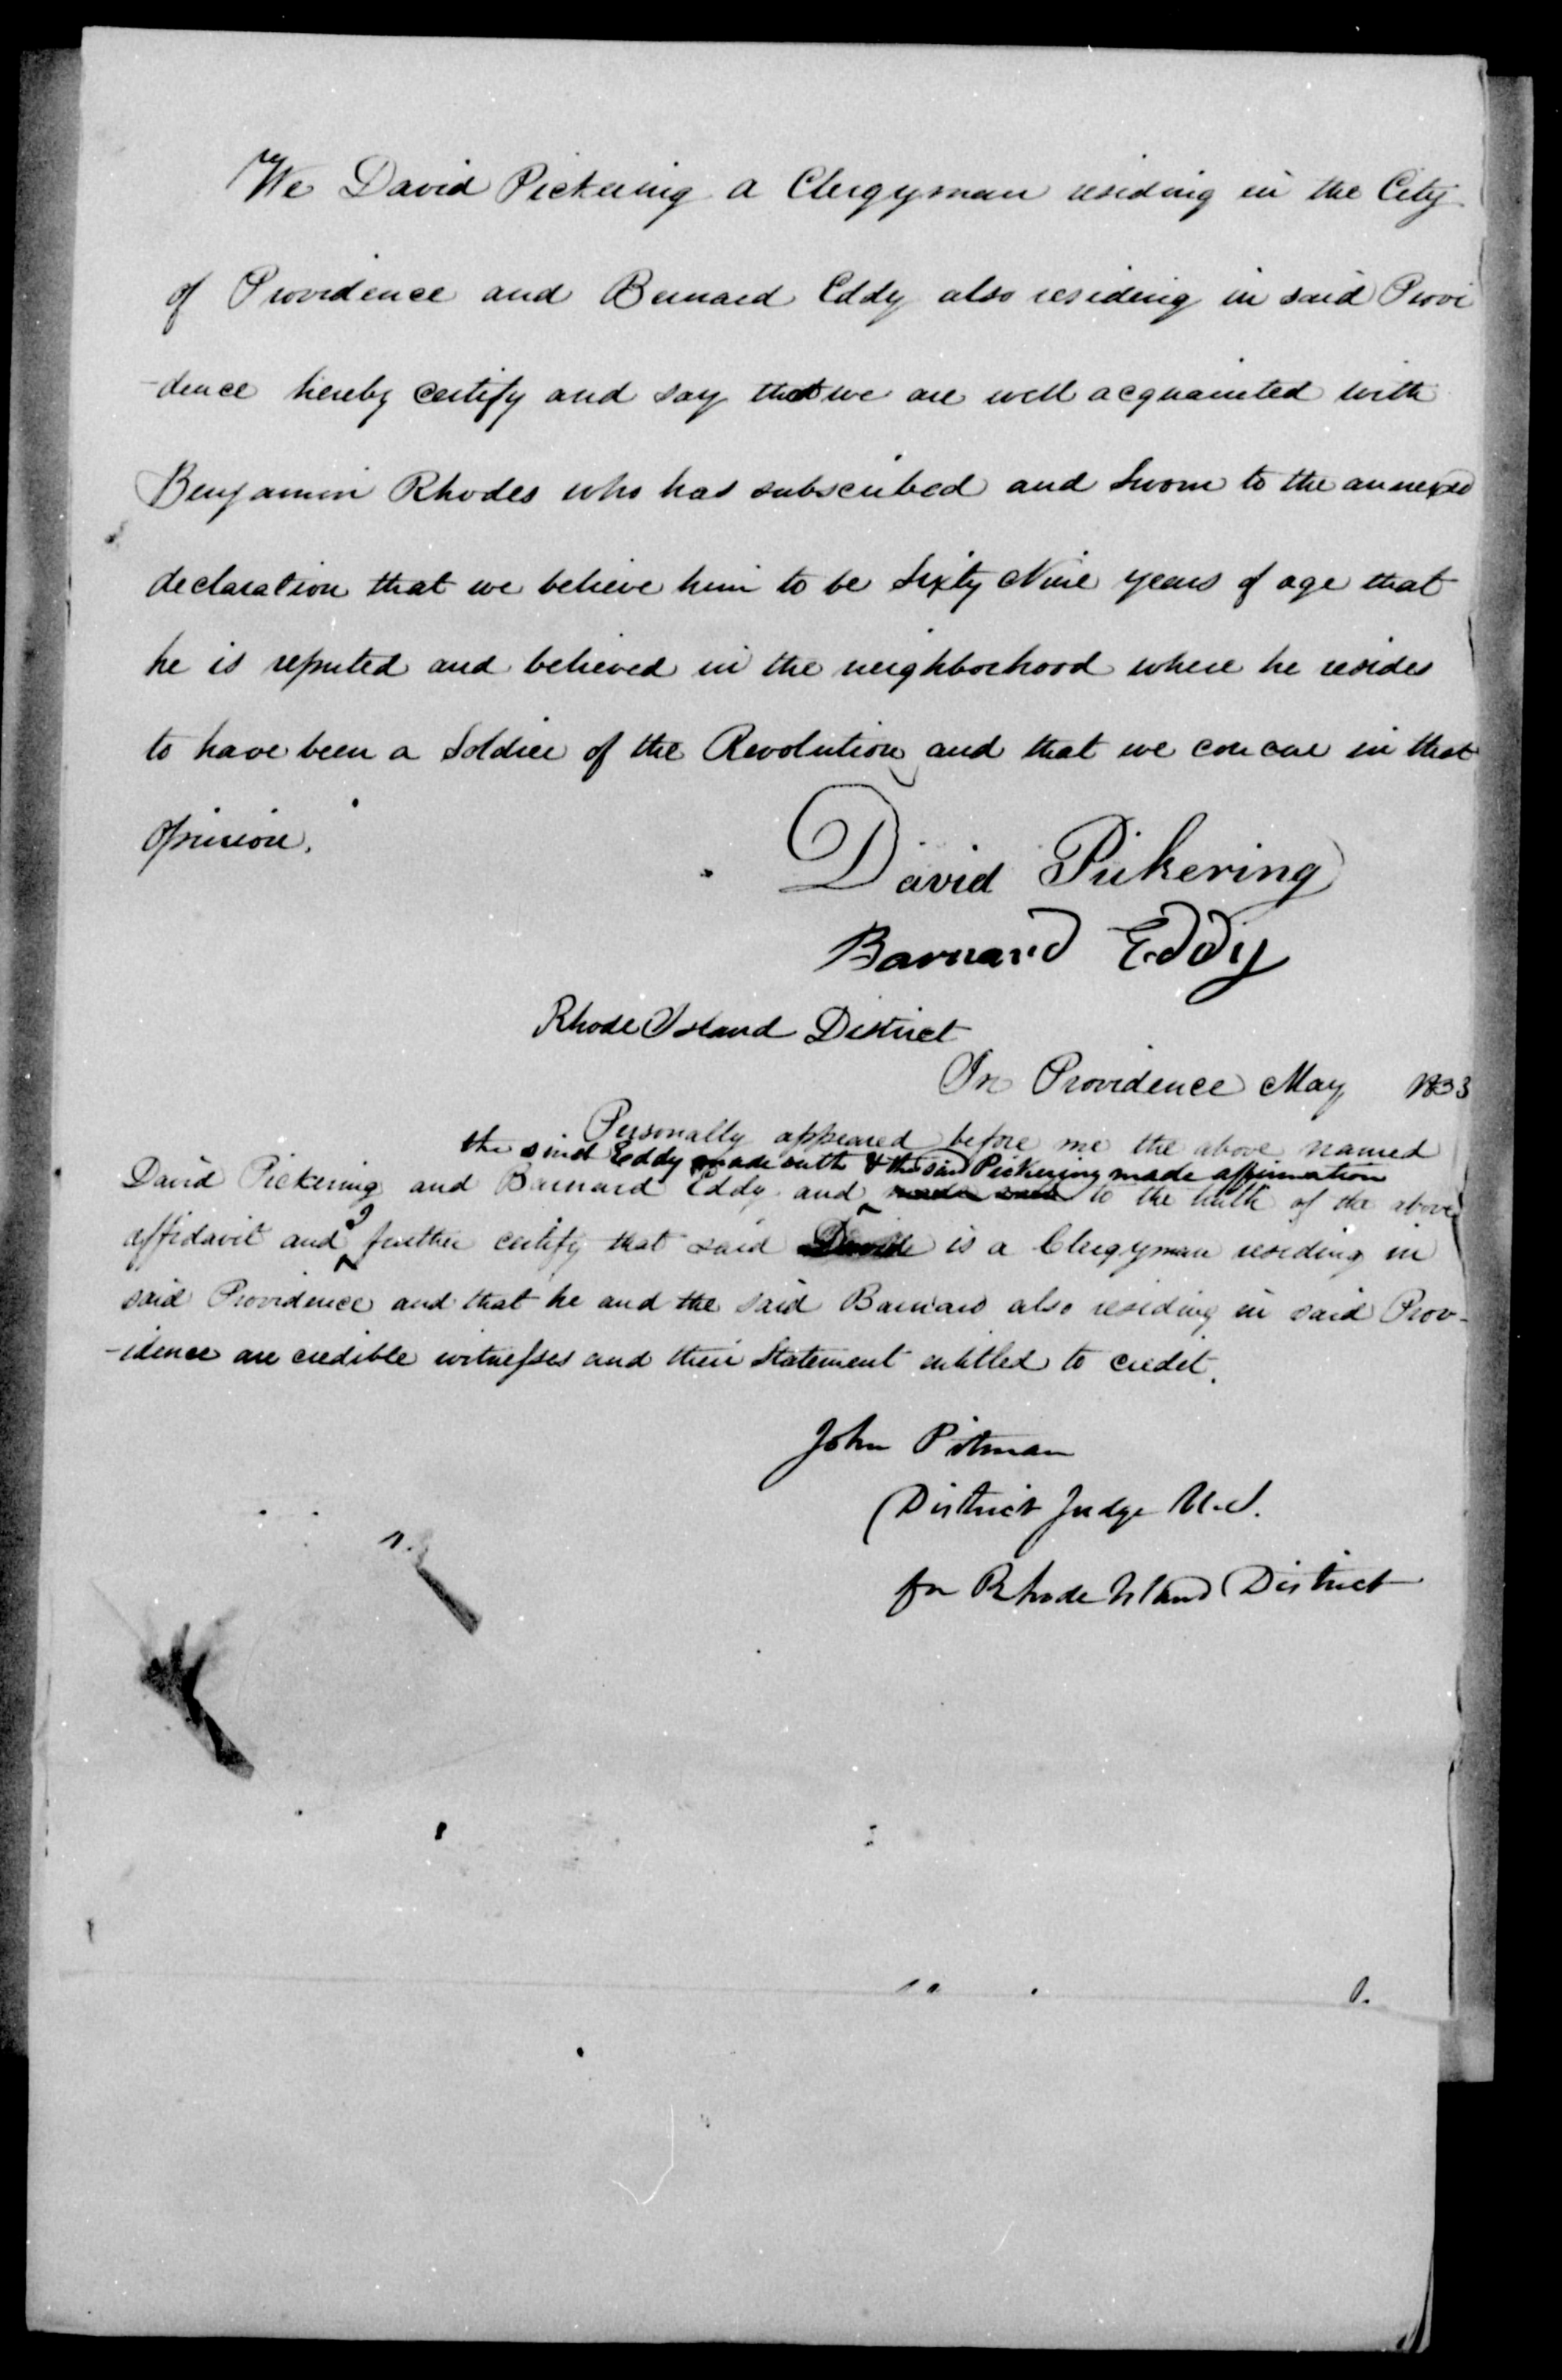We David Pickering a Clergyman residing in the City of Providence and Bernard Eddy also residing in said Providence hereby certify and say that we are well acquainted with
Benjamin Rhodes who has subscribed and sworn to the annexed declaration that we believe him to be Sixty Nine years of age that he is reputed and believed in the neighborhood where he resides to have been a soldier of the Revolution and that we concur in that opinion.
David Pickering
Barnard Eddy
Rhode Island District
In Providence May 1833
Personally appeared before me the above named
David Pickering and Barnard Eddy and the said Eddy made oath & the said Pickering made affirmation to the truth of the above
affidavit and I further certify that said David is a Clergyman residing in said Providence and that he and the said Barnard also residing in said Providence are credible witnesses and their statement entitled to credit
John Pitman
District Judge R.I.
for Rhode Island District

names: Bernard Eddy; David Pickering; David Pickering; Barnard Eddy; Barnard [BLANK]; [BLANK] Pickering; Barnard Eddy; David [BLANK]; David Pickering; Benjamin Rhodes; [BLANK] Eddy; John Pitman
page: 46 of 50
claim: widow's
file: W. 22058, for Benjamin Rhodes, Rhode Island